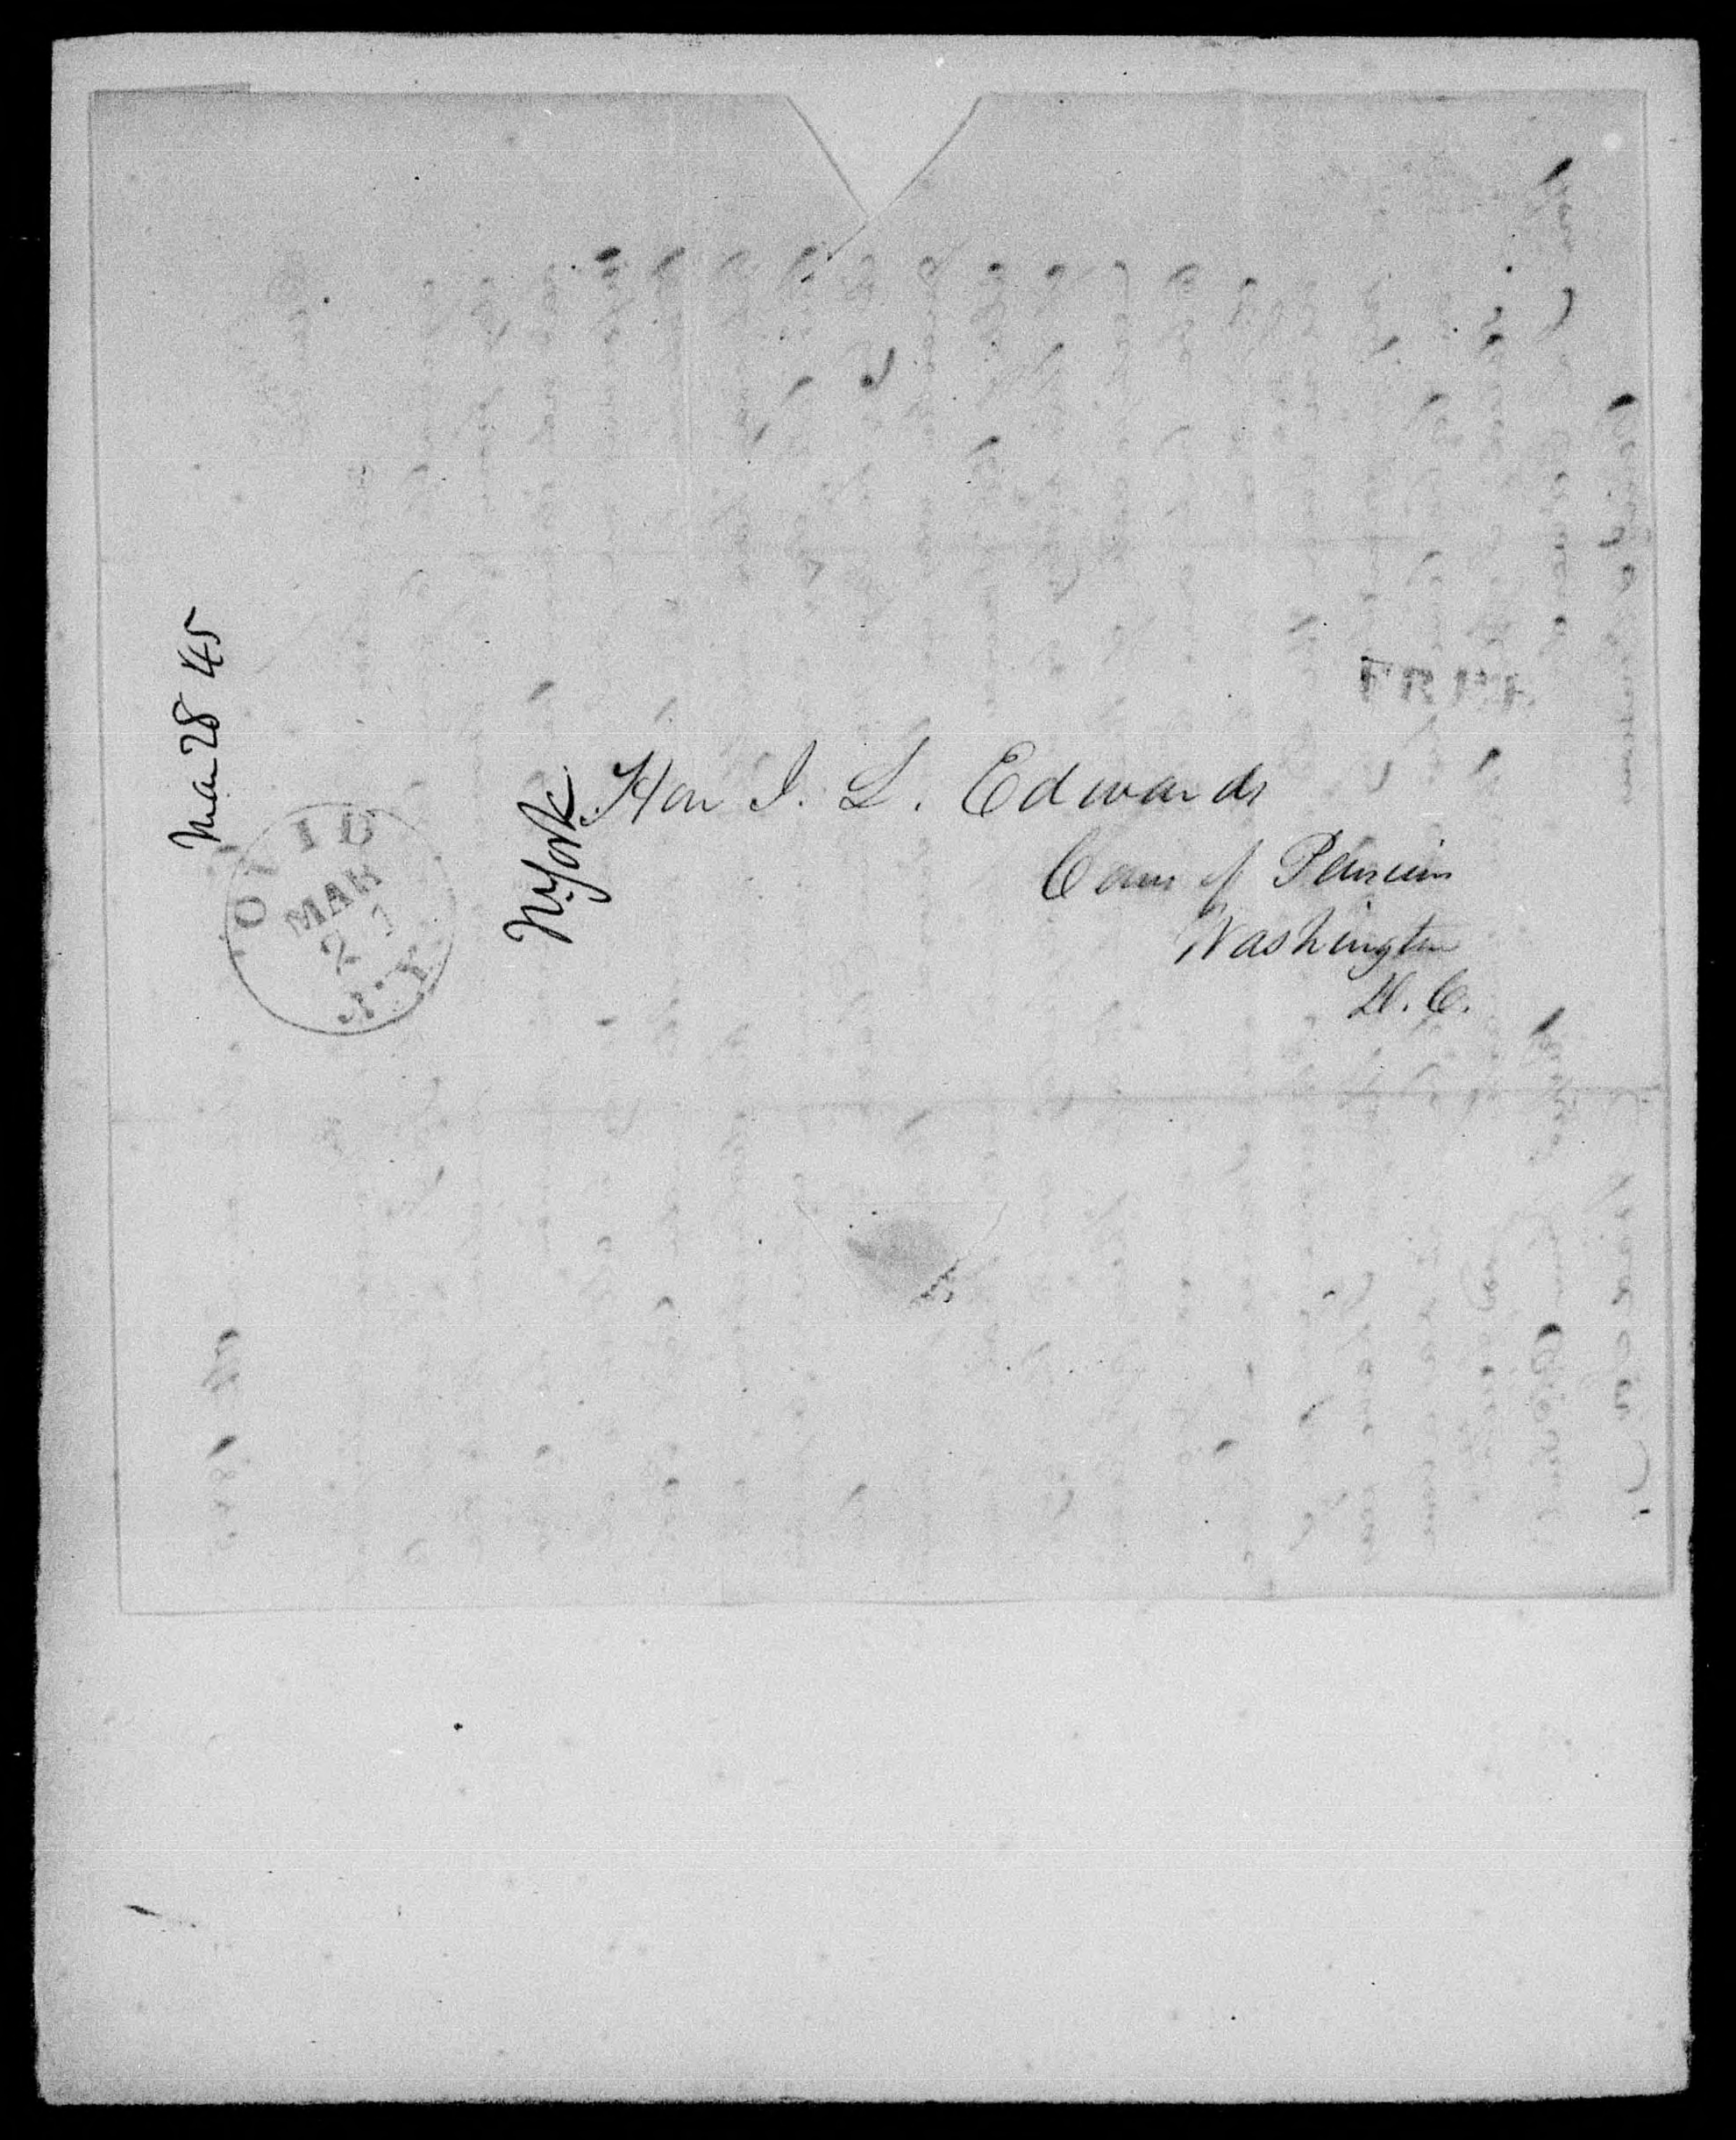Mar 28 45
N.York
[postmark: OVID N.Y. MAR 21]
FREE
Hon J. L. Edwards
Comr of Pensions
Washington D.C.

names: J L Edwards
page: 29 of 43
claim: survivor's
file: S. 28748, Eleazer Grover, Continental Mass. Vt.